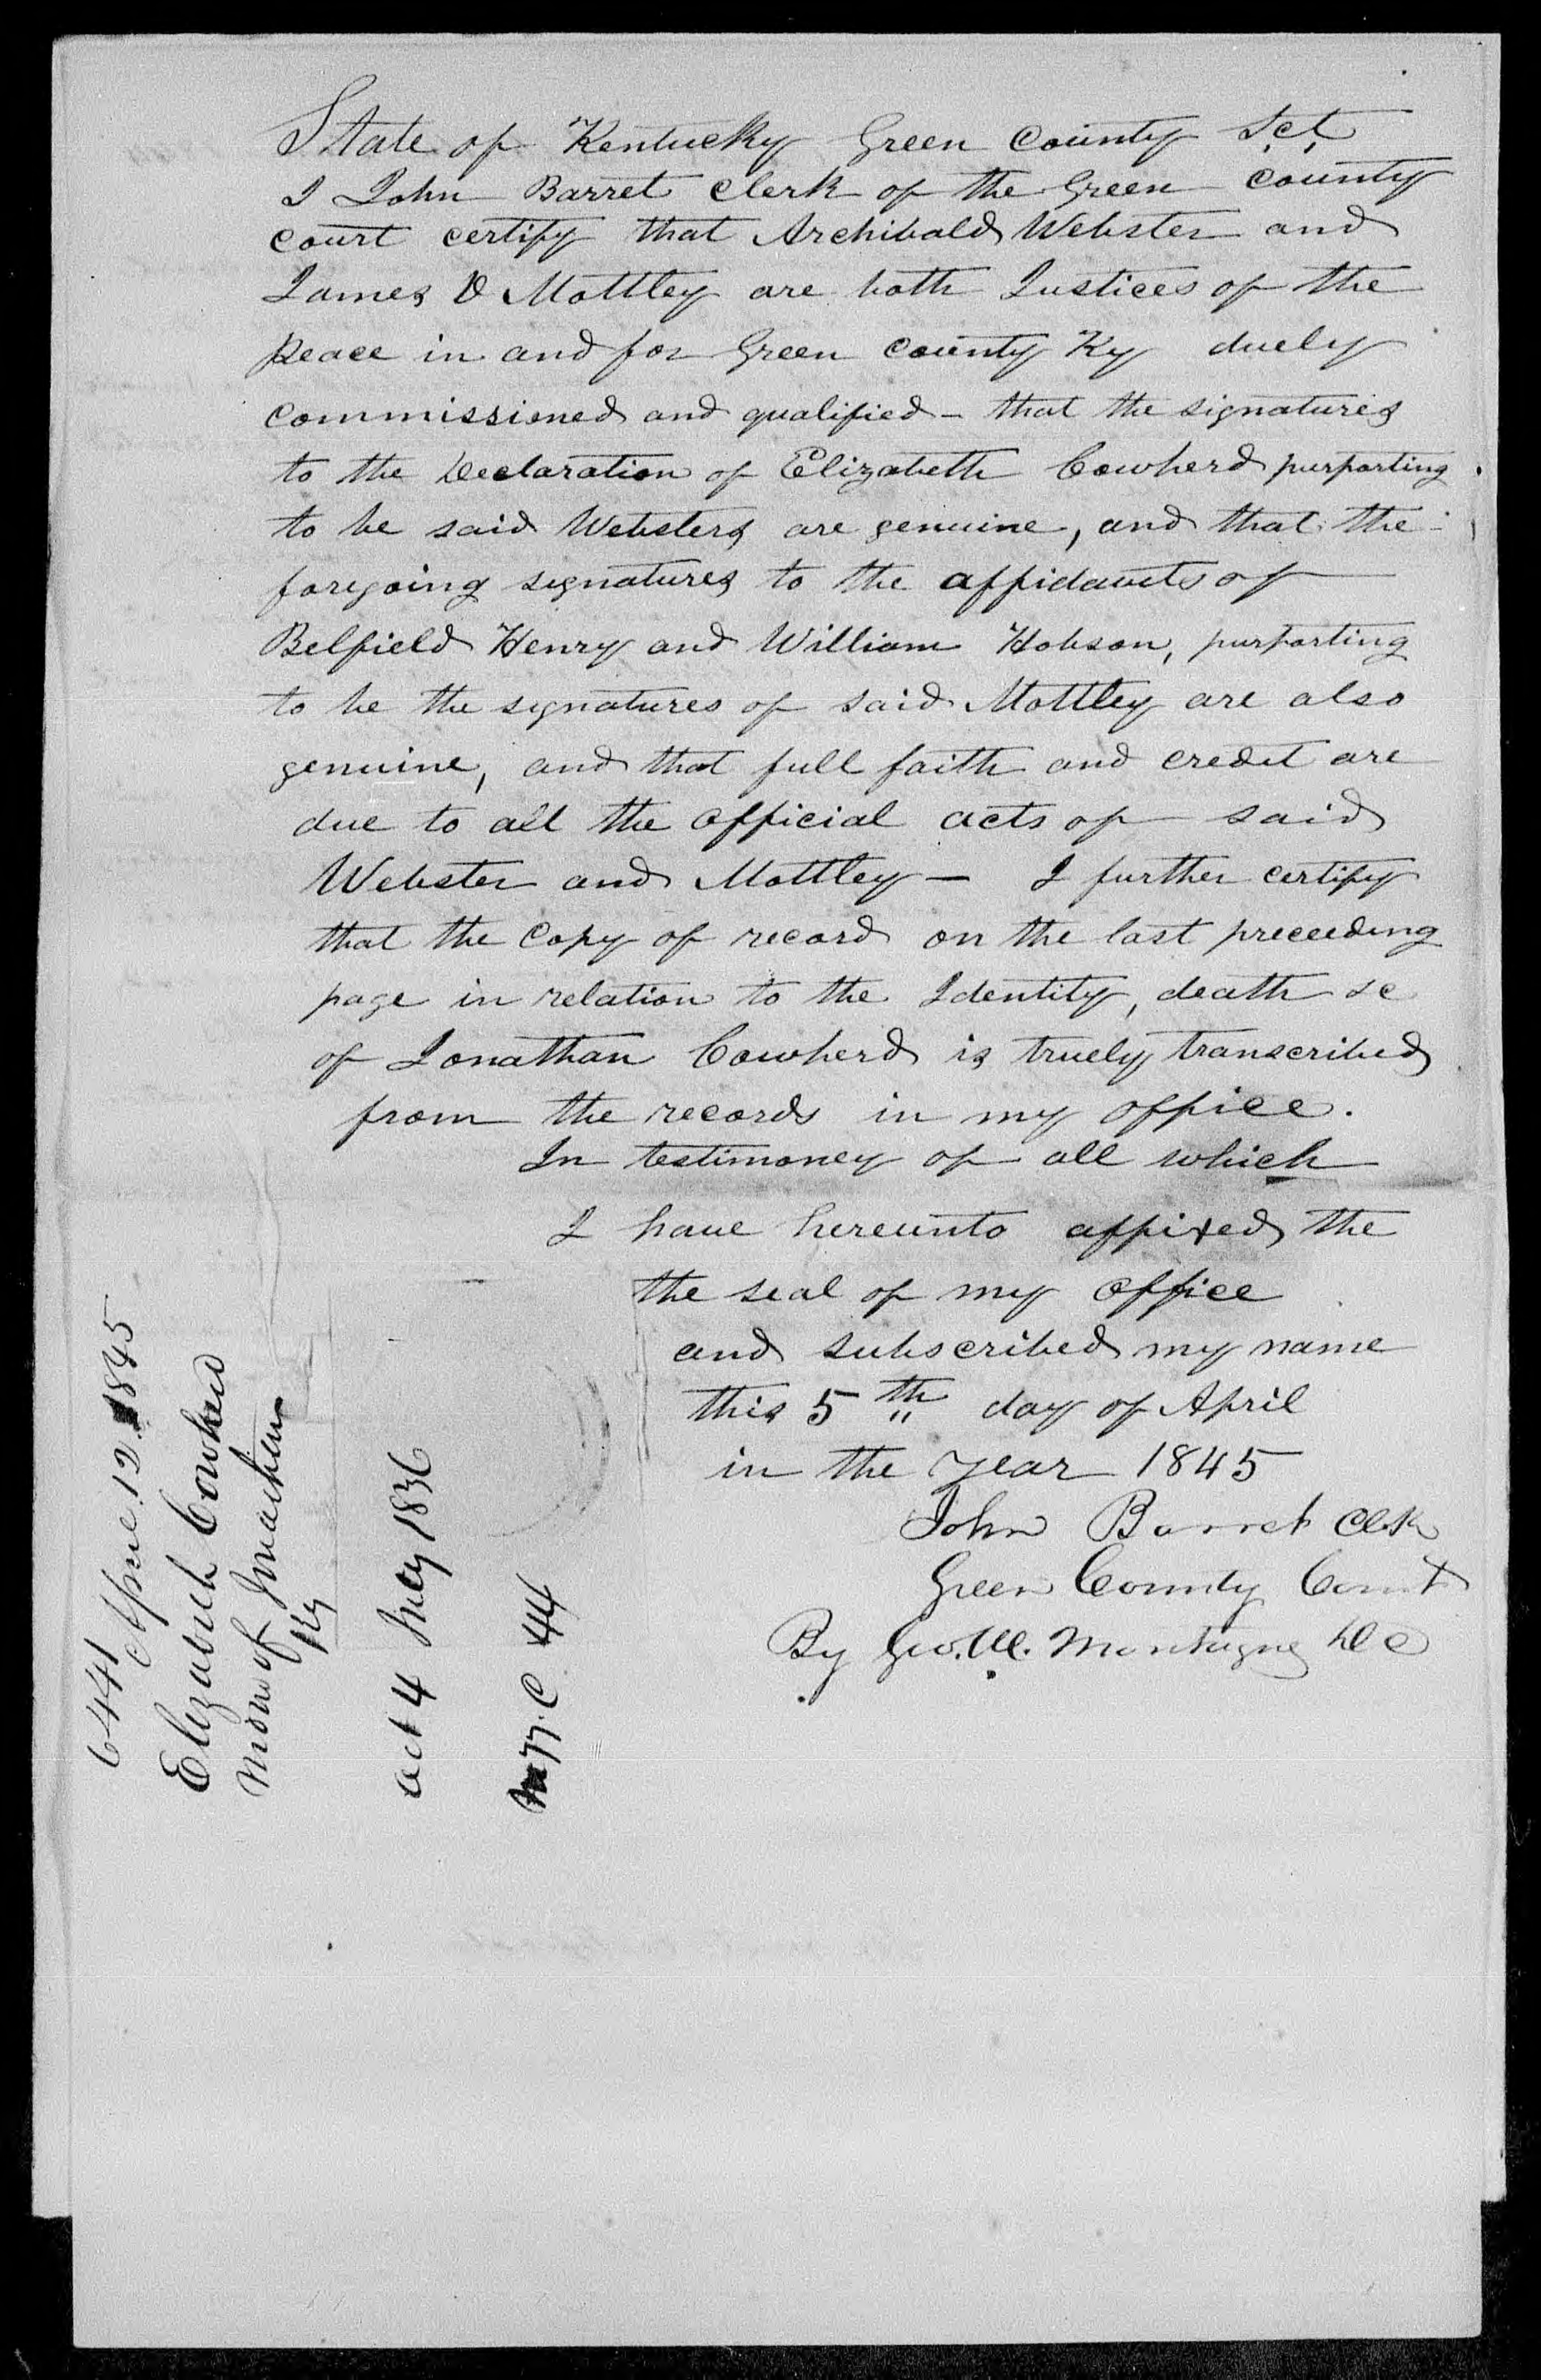State of Kentucky Green County Sct
I John Barret Clerk of the Green County
Court certify that Archibald Webster and-
James D Mottley are both Justices of the
peace in and for Green County Ky duly
Commissioned and qualified - that the signatures to the Declaration of Elizabeth Cowherd purporting to be said Websters are genuine, and that the foregoing signatures to the affidavits of Belfield Henry and William Hobson, purporting to be the signatures of said Mottley are also genuine, and that full faith and credit are due to all the official acts of said Webster and Mottley - I further certify
that the copy of record on the last preceeding
page in relation to the Identity, death &c
of Jonathan Cowherd is truely [sic] transcribed
from the records in my office.
In testimony of all which I have hereunto affixed the the seal of my office and subscribed my name this 5th day of April in the year 1845
John Barret clk [clerk]
Green County Court
By Geo. W. Montgomery DC [Deputy Clerk]

6441
April 12, 1845
Elizabeth Cowherd
widow of Jonathan
Ky
act 4 July 1836
77.C.44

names: Belfield Henry, Mottley, Webster, Jonathan Cowherd, John Barret, William Hobson, Elizabeth Cowherd, Geo W Montague, Webster, John Barret, Mottley, Archibald Webster, Jonathan Cowherd, James D Mottley, Elizabeth Cowherd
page: 27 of 46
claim: widow's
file: W 8619, Jonathan Cowherd, Va.